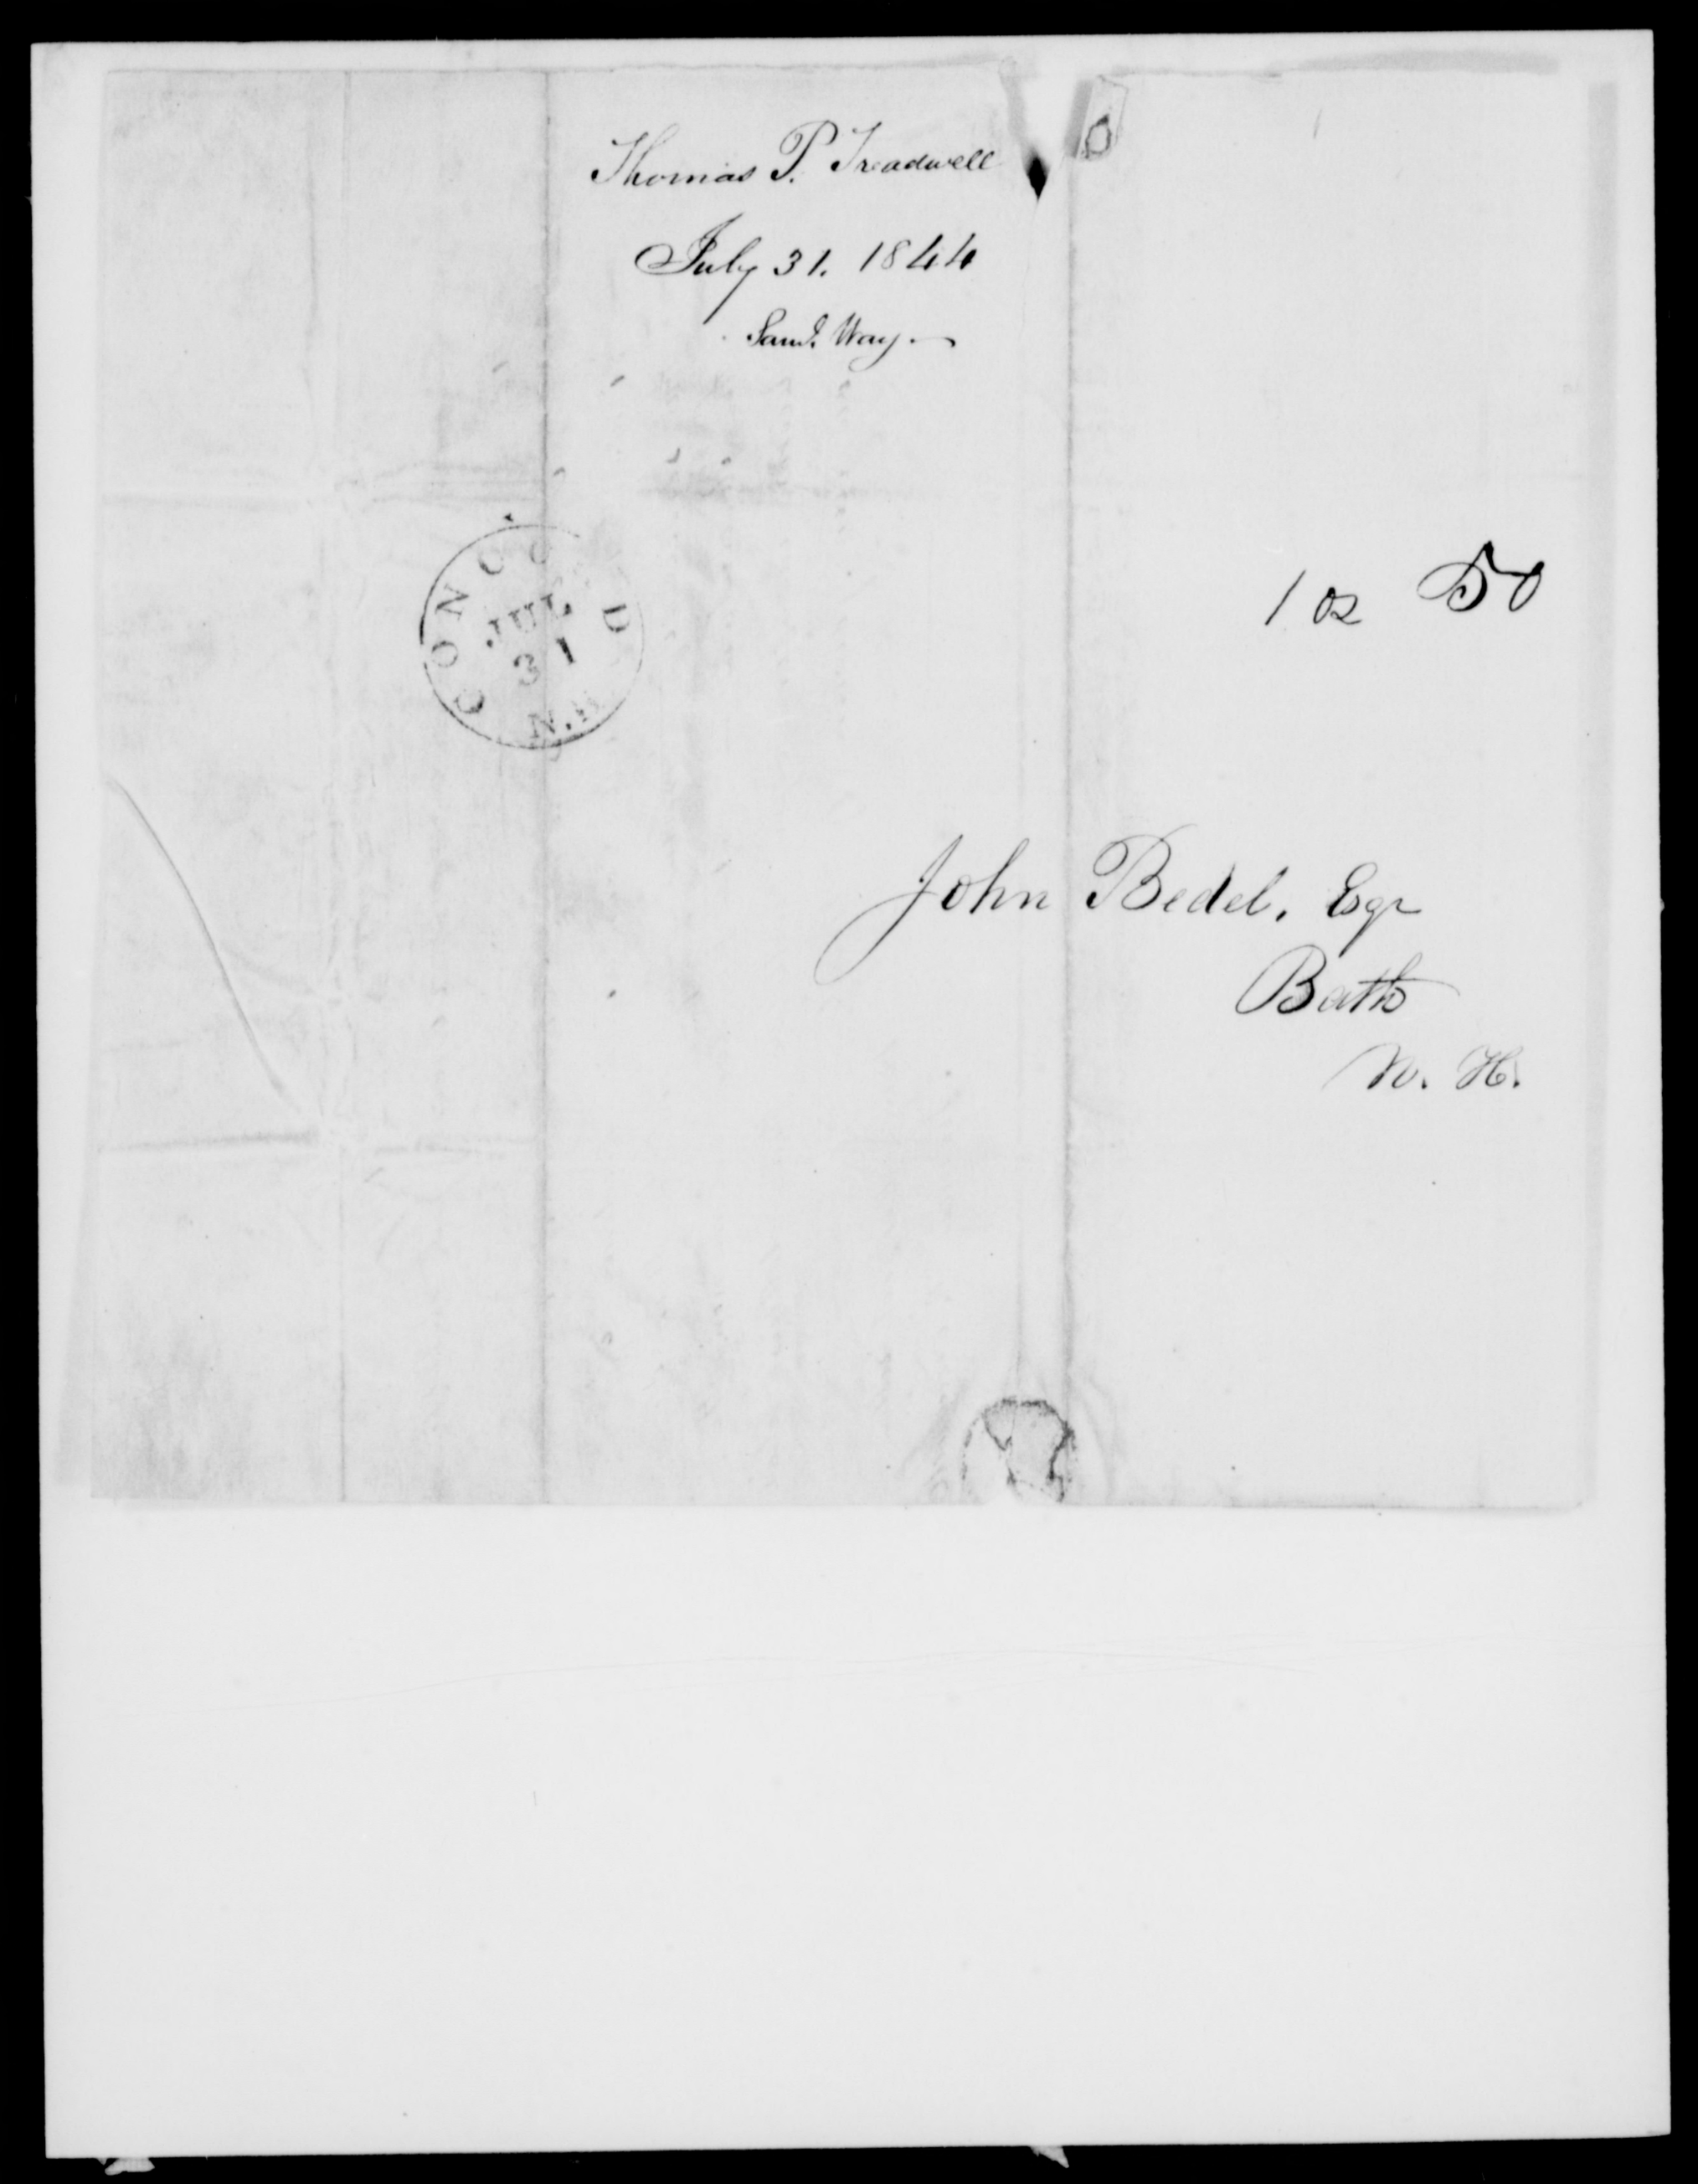Thomas P. Treadwell
July 31, 1844
Saml Way
Concord
Jul 31
NH
1 os 50
John Bedel, Esqr
Bath
N. H.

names: Thomas P Treadwell, John Bedel, Saml Way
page: 27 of 78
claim: widow's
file: W. 25856, Samuel Way, N.H.